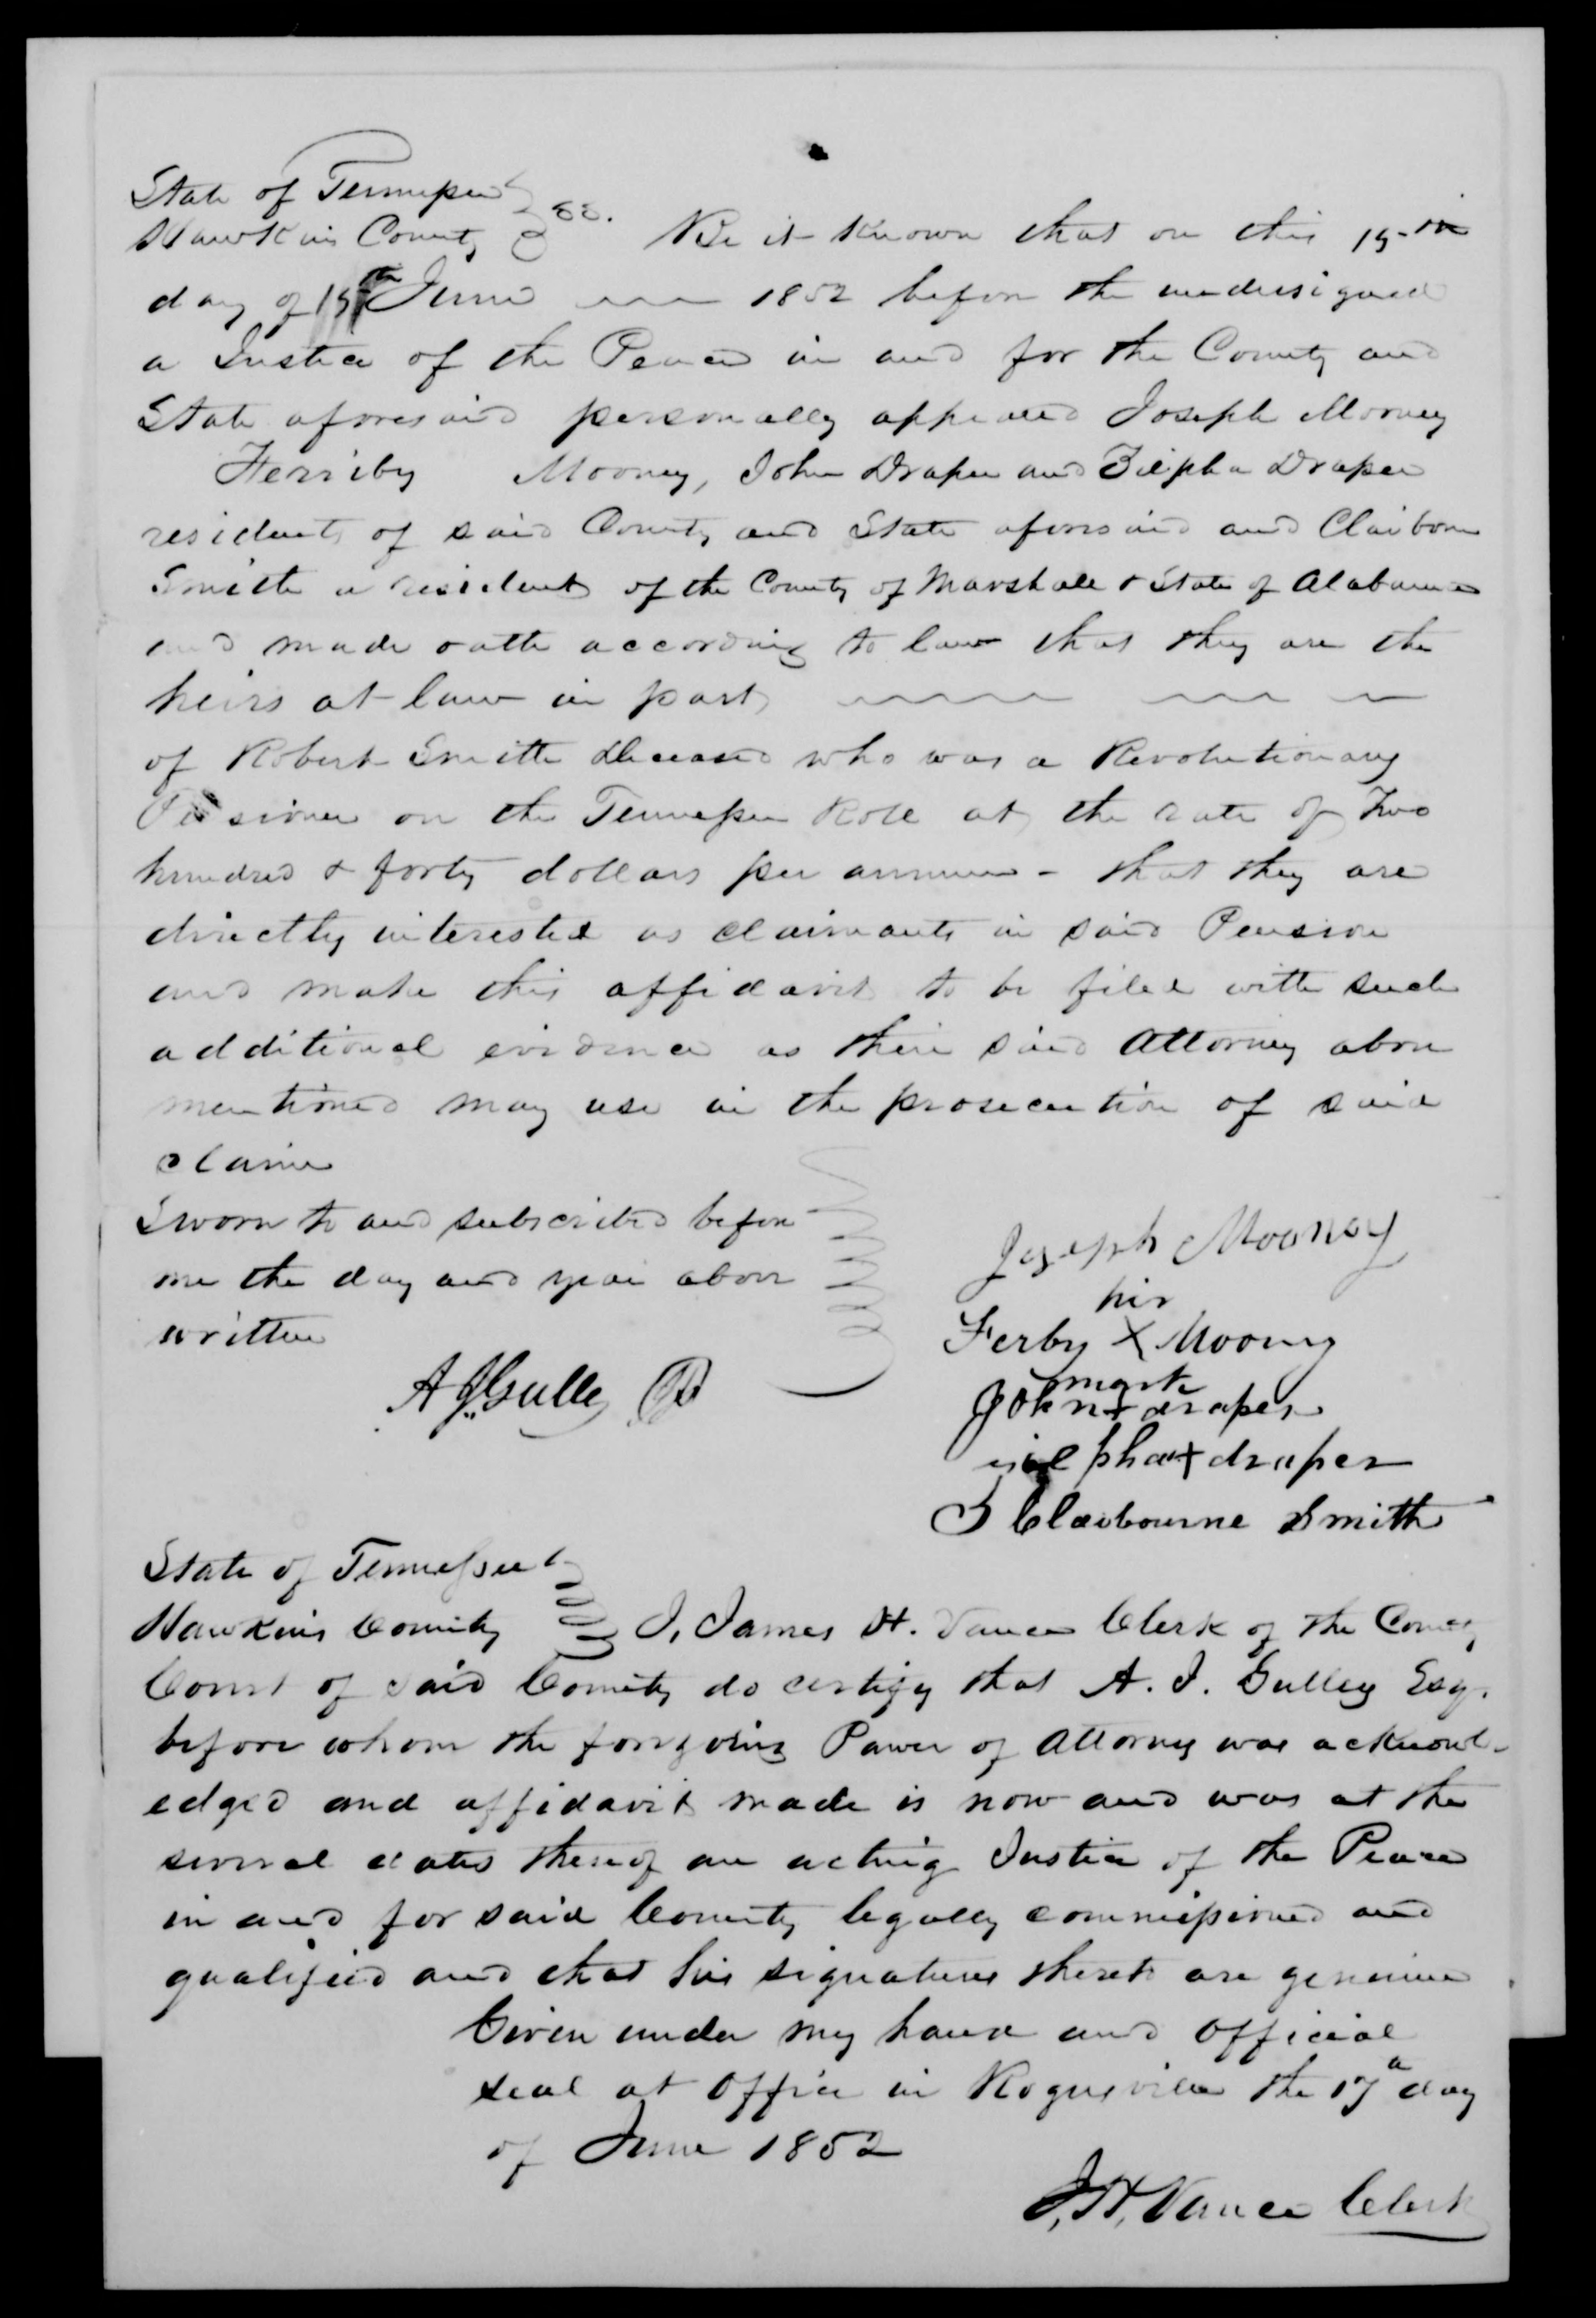State of Tennessee  Hawkins County Be it known that on this 15th day of 15 June 1852 before the undersigned
a Justice of the Peace in and for the County and State aforesaid personally appeared Joseph Mooney,
Ferriby Mooney, John Draper and Zilpha Draper residents of said County and State aforesaid and Claiborne Smith a resident of the County of Marshall & State of Alabama and made oath according to law that they are the heirs at law in part of Robert Smith Deceased who was a Revolutionary Pensioner on the Tennessee Roll at the rate of Two
hundred & forty dollars per annum - that they are directly interested as claimants in said Pension and make this affidavit to be filed with such
additional evidence as their said Attorney above mentioned may use in the prosecution of said claim
Sworn to and subscribed before
me the day and year above written
s/ A J. Gully JP
s/ Joseph Mooney
Ferby Mooney X her mark
John Draper X his mark
Zilpha Draper X her mark
Claibourne Smith

State of Tennessee Hawkins County
I, James H. Vance Clerk of the County
Court of said County do certify that A.J. Gulley Esq. before whom the foregoing Power of Attorney was acknowledged and affidavit made is now and was at the several dates thereof an acting Justice of the Peace in and for said County legally commissioned and qualified and that his signatures thereto are genuine
Given under my hand and official
seal at office in Rogersville the 17th day of June 1852
s/ JH Vance Clerk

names: Zilpha Draper; John Draper; A J Gulley; Ferby Mooney; Zilpha Draper; Claibourne Smith; Joseph Mooney; A J Gully; Robert Smith; Ferriby Mooney; J H Vance; Claiborn Smith; James H Vance; Joseph Mooney; John Draper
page: 32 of 79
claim: widow's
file: W. 1504, for Robert Smith, North Carolina